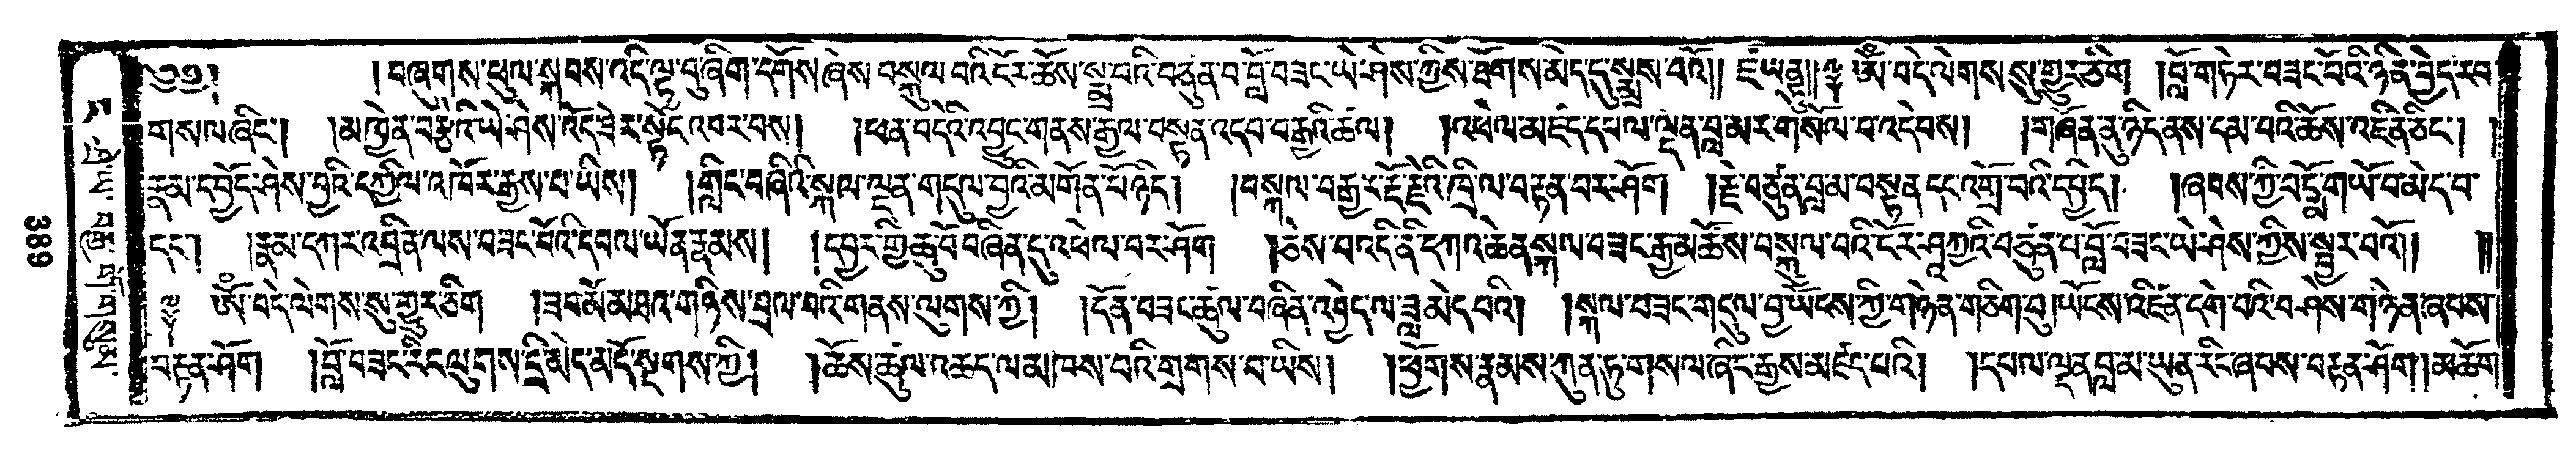༄༅། །བཞུགས་ཕུལ་སྐབས་འདི་ལྟ་བུ་ཞིག་དགོས་ཞེས་བསྐུལ་བའི་ངོར་ཆོས་སྨྲ་བའི་བཙུན་བ་བློ་བཟང་ཡེ་ཤེས་ཀྱིས་ཐོགས་མེད་དུ་སྨྲས་བའོ། །ཛཡནྟུ།། ༈ ཨོཾ་བདེ་ལེགས་སུ་གྱུར་ཅིག །བློ་གཏེར་བཟང་པོའི་ཉིན་བྱེད་རབ་
གསལ་ཞིང་། །མཁྱེན་བརྩེའི་ཡེ་ཤེས་འོད་ཟེར་སྟོང་འབར་བས། །ཕན་བདེའི་འབྱུང་གནས་རྒྱལ་བསྟན་འདབ་བརྒྱའི་ཚལ། །འཕེལ་མཛད་དཔལ་ལྡན་བླ་མར་གསོལ་བ་འདེབས། །གཞོན་ནུ་ཉིད་ནས་དམ་པའི་ཆོས་འཛིན་ཅིང་། །
རྣམ་དབྱོད་ཤེས་བྱའི་དཀྱིལ་འཁོར་རྒྱས་པ་ཡིས། །གླིང་བཞིའི་སྐལ་ལྡན་གདུལ་བྱའི་མགོན་པོ་ཉིད། །བསྐལ་བརྒྱར་རྡོ་རྗེའི་ཁྲི་ལ་བརྟན་པར་ཤོག །རྗེ་བཙུན་བླ་མ་བསྟན་དང་འགྲོ་བའི་དཔྱིད། །ཞབས་ཀྱི་པདམོ་གཡོ་བ་མེད་བ་
དང་། །རྣམ་དཀར་འབྲིན་ལས་བཟང་བོའི་དབལ་ཡོན་རྣམས། །དབྱར་གྱི་ཆུ་བོ་བཞིན་དུ་འཕེལ་བར་ཤོག །ཅེས་བ་འདི་ནི་དཀའ་ཆེན་སྐལ་བཟང་རྒྱ་མཚོས་བསྐུལ་བའི་ངོར་ཤཱཀྱའི་བཙུན་པ་བློ་བཟང་ཡེ་ཤེས་ཀྱིས་སྦྱར་བའོ།། །།
༈ ཨོཾ་བདེ་ལེགས་སུ་གྱུར་ཅིག །ཟབ་མོ་མཐའ་གཉིས་བྲལ་བའི་གནས་ལུགས་ཀྱི། །དོན་བཟང་ཚུལ་བཞིན་འབྱེད་ལ་ཟླ་མེད་པའི། །སྐལ་བཟང་གདུལ་བྱ་ཡོངས་ཀྱི་གཉེན་གཅིག་བུ་།ཡོངས་འཛིན་དགེ་བའི་བཤེས་གཉེན་ཞབས་
བརྟན་ཤོག །བློ་བཟང་རིང་ལུགས་དྲི་མེད་མདོ་སྔགས་ཀྱི། །ཆོས་ཚུལ་འཆད་ལ་མཁས་བའི་གྲགས་པ་ཡིས། །ཕྱོགས་རྣམས་ཀུན་ཏུ་གསལ་ཞིང་རྒྱས་མཛད་པའི། །དཔལ་ལྡན་བླ་མ་ཡུན་རིང་ཞབས་བརྟན་ཤོག །མཆོག་